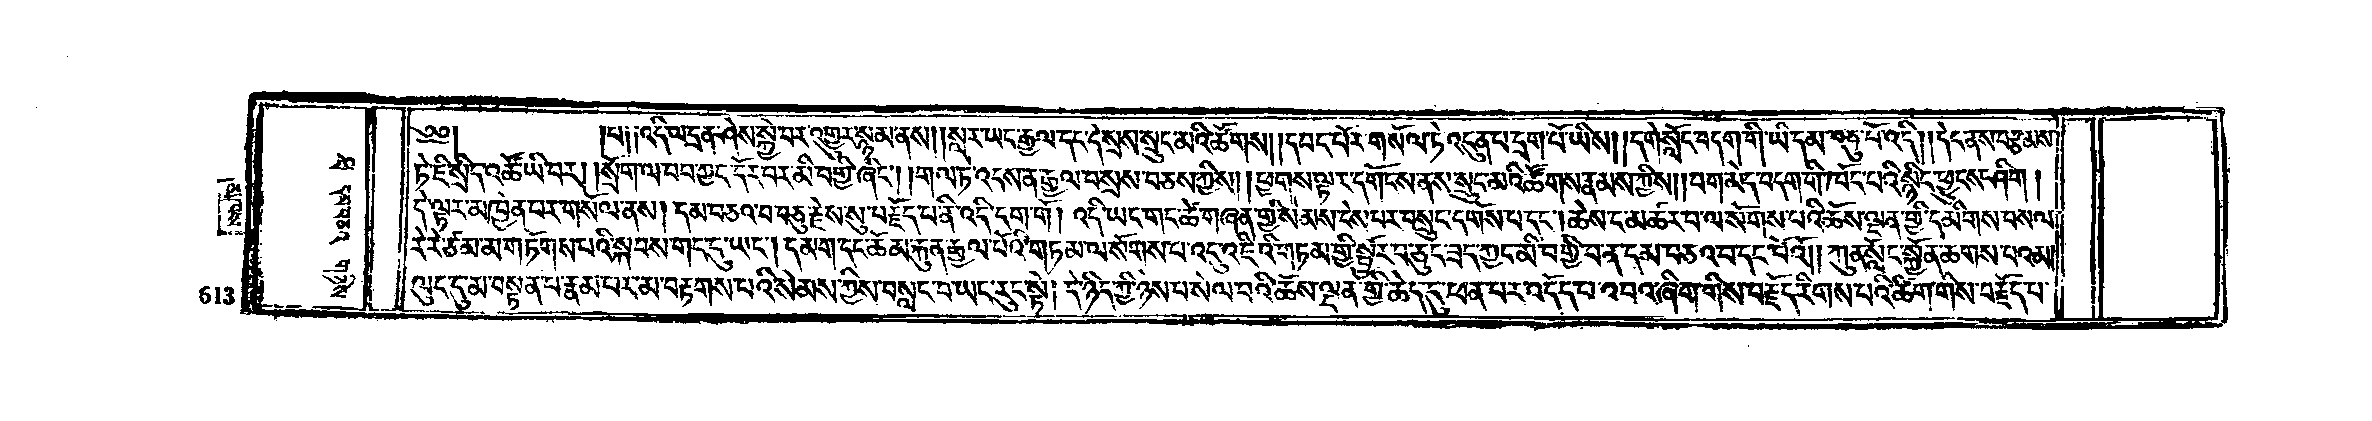༄༅། །པ། །འདི་ལ་དྲན་ཤེས་སྐྱེ་བར་འགྱུར་སྙམ་ནས། །སླར་ཡང་རྒྱལ་དང་དེ་སྲས་སྲུང་མའི་ཚོགས། །དབང་པོར་གསོལ་ཏེ་འདུན་པ་དྲག་པོ་ཡིས། །དགེ་སློང་བདག་གི་ཡི་དམ་བཅུ་པོ་འདི། །དེང་ནས་བརྩམས་
ཏེ་ཇི་སྲིད་འཚོ་ཡི་བར། །སྲོག་ལ་བབ་ཀྱང་དོར་བར་མི་བགྱི་ཞིང་། །གལ་ཏེ་འདས་ན་རྒྱལ་བ་སྲས་བཅས་ཀྱིས། །ཕྱགས་ལྟར་དགོངས་ནས་སྲུང་མའི་ཚོགས་རྣམས་ཀྱིས། །བག་མེད་བདག་གི་ཁོང་པའི་སྙིང་ཕྱུངས་ཤིག །
དེ་ལྟར་མཁྱེན་པར་གསོལ་ནས། དམ་བཅའ་བ་བཅུ་རྗེས་སུ་བརྗོད་པ་ནི་འདི་དག་གོ །འདི་ཡང་གང་ཚེ་གཞན་གྱི་སེམས་ངེས་པར་བསྲུང་དགོས་པ་དང་། ཆེས་ང་མཚར་བ་ལ་སོགས་པའི་ཆོས་ལྡན་གྱི་དམིགས་བསལ་
རེ་རེ་ཙམ་མ་གཏོགས་པའི་སྐབས་གང་དུ་ཡང་། དམག་དང་ཆོམ་རྐུན་རྒྱལ་པོའི་གཏམ་ལ་སོགས་པ་འདུ་འཇིའི་གཏམ་གྱི་སྦྱོར་བ་ཅུང་ཟད་ཀྱང་མི་བགྱི་བ་ན་དམ་བཅའ་བ་དང་པོའོ། །ཀུན་སློང་སྐྱོན་ཆགས་པའམ།
ལུང་དུ་མ་བསྟན་པ་རྣམ་པར་མ་བརྟགས་པའི་སེམས་ཀྱིས་བསླང་བ་ཡང་རུང་སྟེ། དེ་ཉིད་ཀྱི་ཉེས་པ་སེལ་བའི་ཆོས་ལྡན་གྱི་ཆེད་དུ་ཕན་པར་འདོད་པ་འབའ་ཞིག་གིས་བརྗོད་རིགས་པའི་ཚིག་གིས་བརྗོད་པ་